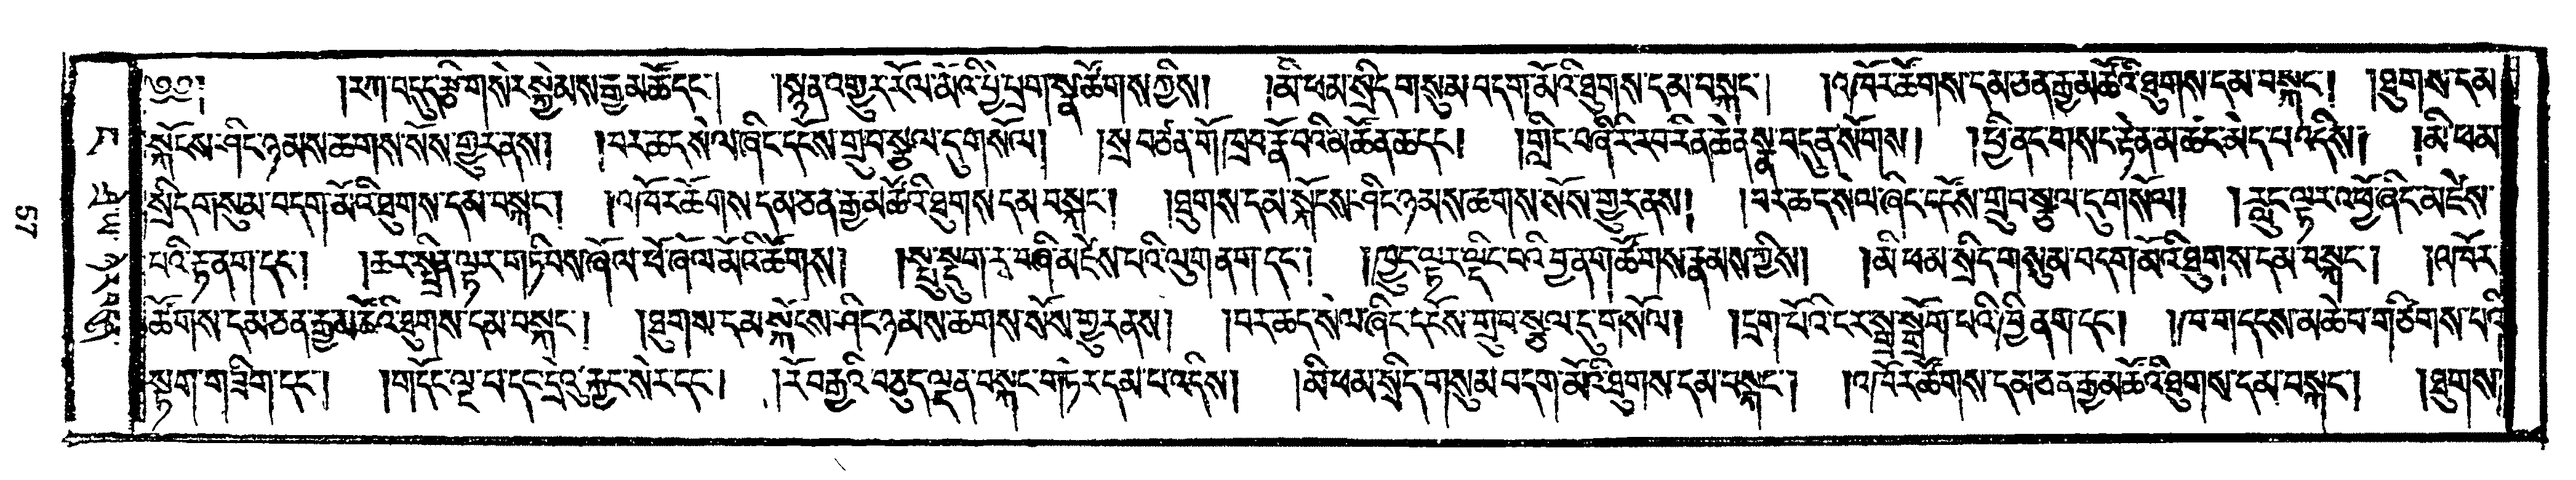༄༅། །རཀ་བདུད་རྩི་གསེར་སྐྱེམས་རྒྱ་མཚོ་དང་། །སྙན་འགྱུར་རོལ་མོའི་བྱེ་བྲག་སྣ་ཚོགས་ཀྱིས། །མི་ཕམ་སྲིད་གསུམ་བདག་མོའི་ཐུགས་དམ་བསྐང་། །འཁོར་ཚོགས་དམ་ཅན་རྒྱ་མཚོའི་ཐུགས་དམ་བསྐང་། །ཐུགས་དམ་
སྐོངས་ཤིང་ཉམས་ཆགས་སོས་གྱུར་ནས། །བར་ཆད་སེལ་ཞིང་དངོས་གྲུབ་སྩལ་དུ་གསོལ། །སྲ་བཙན་གོ་ཁྲབ་རྣོ་བའི་མཚོན་ཆ་དང་། །གླིང་བཞི་རི་རབ་རིན་ཆེན་སྣ་བདུན་སོགས། །ཕྱི་ནང་གསང་རྟེན་མ་ཚང་མེད་པ་འདིས། །མི་ཕམ་
སྲིད་གསུམ་བདག་མོའི་ཐུགས་དམ་བསྐང་། །འཁོར་ཚོགས་དམ་ཅན་རྒྱ་མཚོའི་ཐུགས་དམ་བསྐང་། །ཐུགས་དམ་སྐོངས་ཤིང་ཉམས་ཆགས་སོས་གྱུར་ནས། །བར་ཆད་སེལ་ཞིང་དངོས་གྲུབ་སྩལ་དུ་གསོལ། །རླུང་ལྟར་འཕྱོ་ཞིང་མཛེས་
པའི་རྟ་ནག་དང་། །ཆར་སྤྲིན་ལྟར་གཏིབས་ཞོལ་ཕོ་ཞོལ་མོའི་ཚོགས། །སྤུ་སྡུག་རྭ་བཞི་མཛེས་པའི་ལུག་ནག་དང་། །ཁྱུང་ལྟར་ལྡིང་བའི་བྱ་ནག་ཚོགས་རྣམས་ཀྱིས། །མི་ཕམ་སྲིད་གསུམ་བདག་མོའི་ཐུགས་དམ་བསྐང་། །འཁོར་
ཚོགས་དམ་ཅན་རྒྱ་མཚོའི་ཐུགས་དམ་བསྐང་། །ཐུགས་དམ་སྐོངས་ཤིང་ཉམས་ཆགས་སོས་གྱུར་ནས། །བར་ཆད་སེལ་ཞིང་དངོས་གྲུབ་སྩལ་དུ་གསོལ། །དྲག་པོའི་ངར་སྒྲ་སྒྲོག་པའི་ཁྱི་ནག་དང་། །ཁ་གདངས་མཆེ་བ་གཙིགས་པའི་
སྟག་གཟིག་དང་། །གདོང་ལྔ་པ་དང་དྲེའུ་རྐྱང་སེར་དང་། །རོ་བརྒྱའི་བཅུད་ལྡན་བསྐང་གཏེར་དམ་པ་འདིས། །མི་ཕམ་སྲིད་གསུམ་བདག་མོའི་ཐུགས་དམ་བསྐང་། །འཁོར་ཚོགས་དམ་ཅན་རྒྱ་མཚོའི་ཐུགས་དམ་བསྐང་། །ཐུགས་